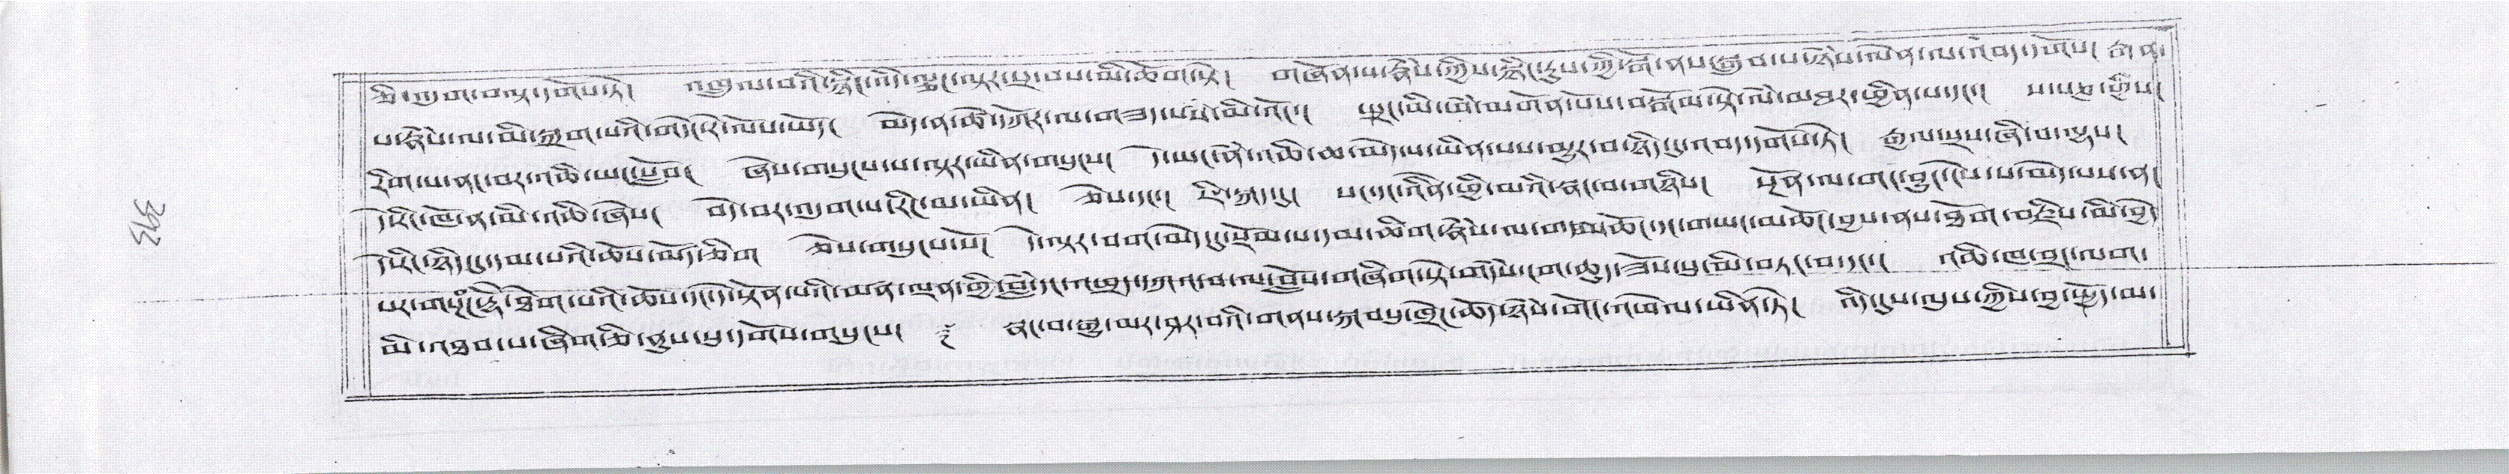ཅི་འདུག་བལྟ་དགོས་ཏེ། འཁྲུལ་པའི་སྙིང་འདི་ལྕགས་ཀྱི་དྲྭ་བས་མི་ཆོག་སྟེ། གཞོན་པ་རྣམས་ཀྱིས་སྙིང་རུས་ཀྱི་སྒོ་ནས་བསྒྲུབ་པ་ཉམས་ལེན་ལ་འབད་དགོས། རྒན་
པ་རྣམས་ལ་མི་སྐྲག་པའི་གདེང་རེ་ལོས་ཡོད། མེད་ན་ཚེ་དཀོར་ལ་འཛད་པས་མི་འོང་། སྤྲང་མི་ཕམ་མགོན་པོས་བསྒོམས་ཏེ་ལམ་མཐར་ཕྱིན་པ་དང་། ས་པཎ་གྱིས། 
རིག་པ་ནང་པར་འཆི་ཡང་སློབ། གསུངས་པ་ལྟར་ཡིན་གསུངས། དེ་ཡང་ནམ་འཆི་ཆ་མེད་པ་ཡིན་པས་མྱུར་བ་ཉིད་དུ་འབད་དགོས་ཏེ། རྒྱལ་སྲས་ཞི་བ་ལྷས། 
དེ་རིང་ཁོ་ན་མི་འཆི་ཞེས། བདེ་བར་འདུག་པ་རིགས་མ་ཡིན། ཅེས་དང་། ཇི་སྐད་དུ། སང་དང་འཇིག་རྟེན་ཕྱི་མའི་སྣང་བ་གཉིས། སྔོན་མ་གང་བྱུང་ངེས་པ་མེད་པས་ན། 
དེ་རིང་ཉིད་དུ་དམ་པའི་ཆོས་མཛོད་ཅིག། ཅེས་གསུངས་སོ། དེ་ལྟར་བག་མེད་དུ་སྡོམ་པ་དམ་ཚིག་རྣམས་ལ་གད་མཆོང་དང་གཡང་མཆོང་བྱས་ནས་ཐོག་རྫིས་མི་བྱེད་
པར་གསང་སྔགས་རྡོ་རྗེ་ཐེག་པའི་ཆོས་དང་དེ་སྟོན་པའི་མཚན་ལྡན་གྱི་བླ་མ་དང་འཕྲད་དཀའ་བ་ལ་བློས་གཞིགས་ཏེ་གདམས་ངག་ཆུད་ཟོས་སུ་མི་གཏོང་བ་དང་། འཆི་ཁ་བྲང་ལག་
མི་འཐབ་པ་ཞིག་ཅི་ནུས་སུ་དགོས་གསུངས།། ༧ སྣང་བ་སྒྱུ་མར་ཤར་བའི་གནས་སྐབས་སུ་ཁྲེག་ཆོད་ཉམས་གོང་འཕེལ་ཡིན་ཏེ། འདི་དུས་ལུས་ཀྱི་བྱ་སྤྱོད་མ་